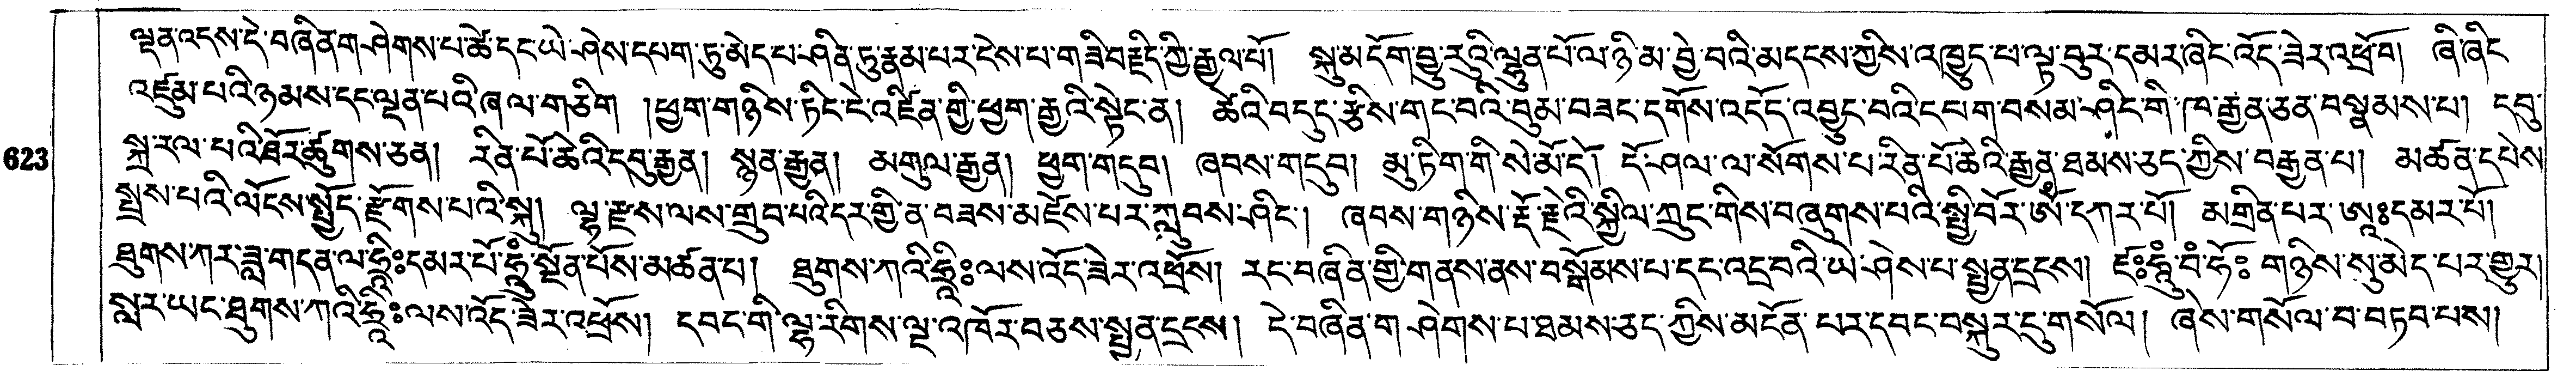ལྡན་འདས་དེ་བཞིན་གཤེགས་པ་ཚེ་དང་ཡེ་ཤེས་དཔག་ཏུ་མེད་པ་ཤིན་ཏུ་རྣམ་པར་ངེས་པ་གཟི་བརྗིད་ཀྱི་རྒྱལ་པོ། སྐུ་མདོག་བྱུ་རུའི་ལྷུན་པོ་ལ་ཉི་མ་བྱེ་བའི་མདངས་ཀྱིས་འཁྱུད་པ་ལྟ་བུར་དམར་ཞིང་འོད་ཟེར་འཕྲོ་བ། ཞི་ཞིང་
འཛུམ་པའི་ཉམས་དང་ལྡན་པའི་ཞལ་གཅིག །ཕྱག་གཉིས་ཏིང་ངེ་འཛིན་གྱི་ཕྱག་རྒྱའི་སྟེང་ན། ཚེའི་བདུད་རྩིས་གང་བའི་བུམ་བཟང་དགོས་འདོད་འབྱུང་བའི་དཔག་བསམ་ཤིང་གི་ཁ་རྒྱན་ཅན་བསྣམས་པ། དབུ་
སྐྲ་རལ་པའི་ཐོར་ཚུགས་ཅན། རིན་པོ་ཆེའི་དབུ་རྒྱན། སྙན་རྒྱན། མགུལ་རྒྱན། ཕྱག་གདུབ། ཞབས་གདུབ། མུ་ཏིག་གི་སེ་མོ་དོ། དོ་ཤལ་ལ་སོགས་པ་རིན་པོ་ཆེའི་རྒྱན་ཐམས་ཅད་ཀྱིས་བརྒྱན་པ། མཚན་དཔེས་
སྤྲས་པའི་ལོངས་སྤྱོད་རྫོགས་པའི་སྐུ། ལྷ་རྫས་ལས་གྲུབ་པའི་དར་གྱི་ན་བཟས་མཛེས་པར་ཀླུབས་ཤིང་། ཞབས་གཉིས་རྡོ་རྗེའི་སྐྱིལ་ཀྲུང་གིས་བཞུགས་པའི་སྤྱི་བོར་ཨོཾ་དཀར་པོ། མགྲིན་པར་ཨཱཿ དམར་པོ།
ཐུགས་ཀར་ཟླ་གདན་ལ་ཧྲཱིཿ དམར་པོ་ཧཱུཾ་སྔོན་པོས་མཚན་པ། ཐུགས་ཀའི་ཧྲཱིཿ ལས་འོད་ཟེར་འཕྲོས། རང་བཞིན་གྱི་གནས་ནས་བསྒོམས་པ་དང་འདྲ་བའི་ཡེ་ཤེས་པ་སྤྱན་དྲངས། ཛཿ ཧཱུཾ་བཾ་ཧོཿ གཉིས་སུ་མེད་པར་གྱུར།
སླར་ཡང་ཐུགས་ཀའི་ཧྲཱིཿ ལས་འོད་ཟེར་འཕྲོས། དབང་གི་ལྷ་རིགས་ལྔ་འཁོར་བཅས་སྤྱན་དྲངས། དེ་བཞིན་གཤེགས་པ་ཐམས་ཅད་ཀྱིས་མངོན་པར་དབང་བསྐུར་དུ་གསོལ། ཞེས་གསོལ་བ་བཏབ་པས།